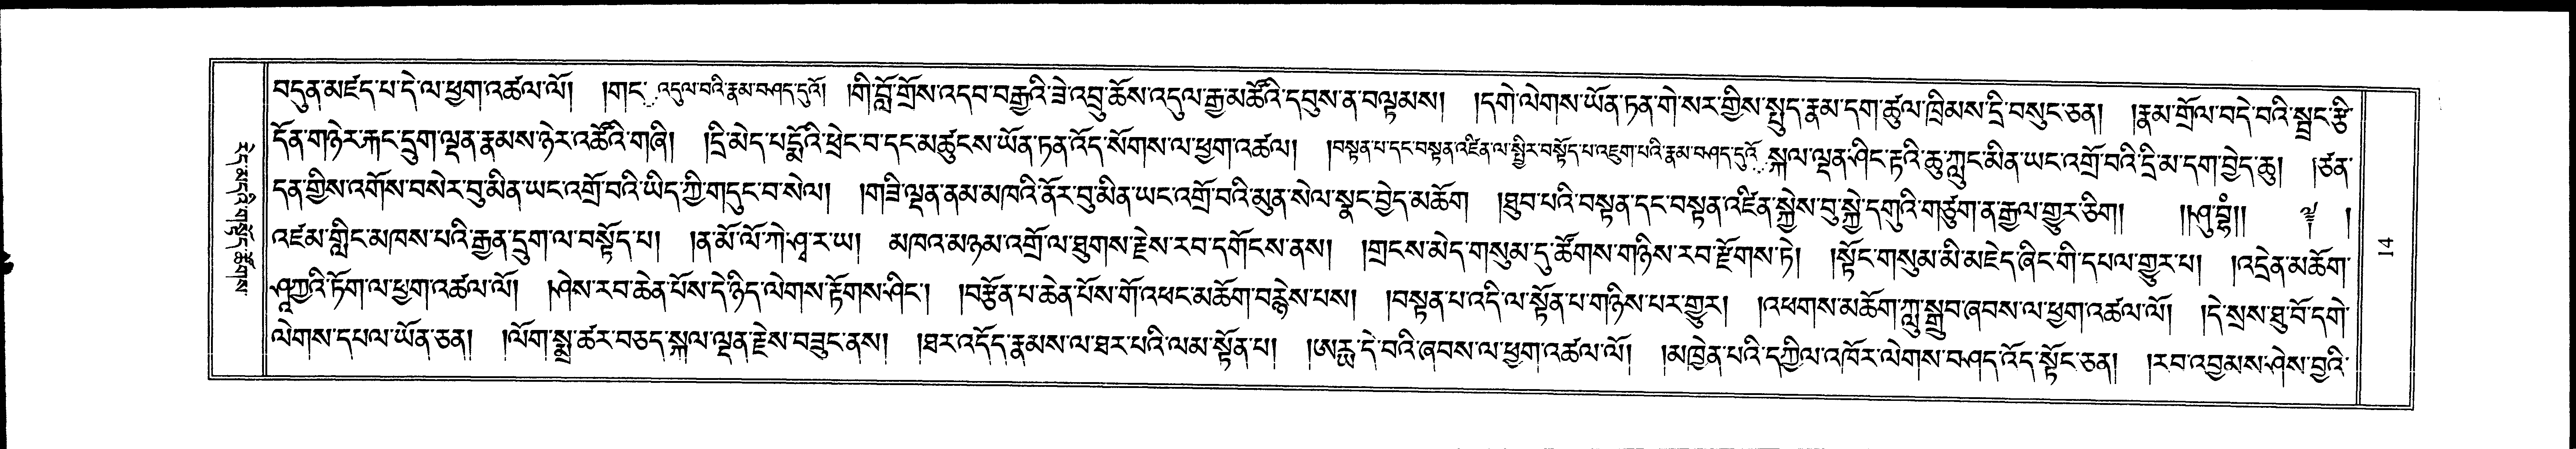བདུན་མཛད་པ་དེ་ལ་ཕྱག་འཚལ་ལོ། །གང་འདུལ་བའི་རྣམ་བཤད་དུའོ། །གི་བློ་གྲོས་འདབ་བརྒྱའི་ཟེ་འབྲུ་ཆོས་འདུལ་རྒྱ་མཚོའི་དབུས་ན་བལྟམས། །དགེ་ལེགས་ཡོན་ཏན་གེ་སར་གྱིས་སྤུད་རྣམ་དག་ཚུལ་ཁྲིམས་དྲི་བསུང་ཅན། །རྣམ་གྲོལ་བདེ་བའི་སྦྲང་རྩི་
དོན་གཉེར་རྐང་དྲུག་ལྡན་རྣམས་ཉེར་འཚོའི་གཞི། །དྲི་མེད་པདམོའི་ཕྲེང་བ་དང་མཚུངས་ཡོན་ཏན་འོད་སོགས་ལ་ཕྱག་འཚལ། །བསྟན་པ་དང་བསྟན་འཛིན་ལ་སྤྱིར་བསྟོད་པ་འཇུག་པའི་རྣམ་བཤད་དུའོ་སྐལ་ལྡན་ཤིང་རྟའི་ཆུ་ཀླུང་མིན་ཡང་འགྲོ་བའི་དྲི་མ་དག་བྱེད་ཆུ། །ཙན་
དན་གྱིས་འགོས་བསེར་བུ་མིན་ཡང་འགྲོ་བའི་ཡིད་ཀྱི་གདུང་བ་སེལ། །གཟི་ལྡན་ནམ་མཁའི་ནོར་བུ་མིན་ཡང་འགྲོ་བའི་མུན་སེལ་སྣང་བྱེད་མཆོག །ཐུབ་པའི་བསྟན་དང་བསྟན་འཛིན་སྐྱེས་བུ་སྐྱེ་དགུའི་གཙུག་ན་རྒྱལ་གྱུར་ཅིག། །།ཤུ་བྷཾ།། ༈ །
འཛམ་གླིང་མཁས་པའི་རྒྱན་དྲུག་ལ་བསྟོད་པ། །ན་མོ་ལོ་ཀེ་ཤྭ་ར་ཡ། མཁའ་མཉམ་འགྲོ་ལ་ཐུགས་རྗེས་རབ་དགོངས་ནས། །གྲངས་མེད་གསུམ་དུ་ཚོགས་གཉིས་རབ་རྫོགས་ཏེ། །སྟོང་གསུམ་མི་མཇེད་ཞིང་གི་དཔལ་གྱུར་པ། །འདྲེན་མཆོག་
ཤཱཀྱའི་ཏོག་ལ་ཕྱག་འཚལ་ལོ། །ཤེས་རབ་ཆེན་པོས་དེ་ཉིད་ལེགས་རྟོགས་ཤིང་། །བརྩོན་པ་ཆེན་པོས་གོ་འཕང་མཆོག་བརྙེས་པས། །བསྟན་པ་འདི་ལ་སྟོན་པ་གཉིས་པར་གྱུར། །འཕགས་མཆོག་ཀླུ་སྒྲུབ་ཞབས་ལ་ཕྱག་འཚལ་ལོ། །དེ་སྲས་ཐུ་བོ་དགེ་
ལེགས་དཔལ་ཡོན་ཅན། །ལོག་སྨྲ་ཚར་བཅད་སྐལ་ལྡན་རྗེས་བཟུང་ནས། །ཐར་འདོད་རྣམས་ལ་ཐར་པའི་ལམ་སྟོན་པ། །ཨརྱ་དེ་བའི་ཞབས་ལ་ཕྱག་འཚལ་ལོ། །མཁྱེན་པའི་དཀྱིལ་འཁོར་ལེགས་བཤད་འོད་སྟོང་ཅན། །རབ་འབྱམས་ཤེས་བྱའི་